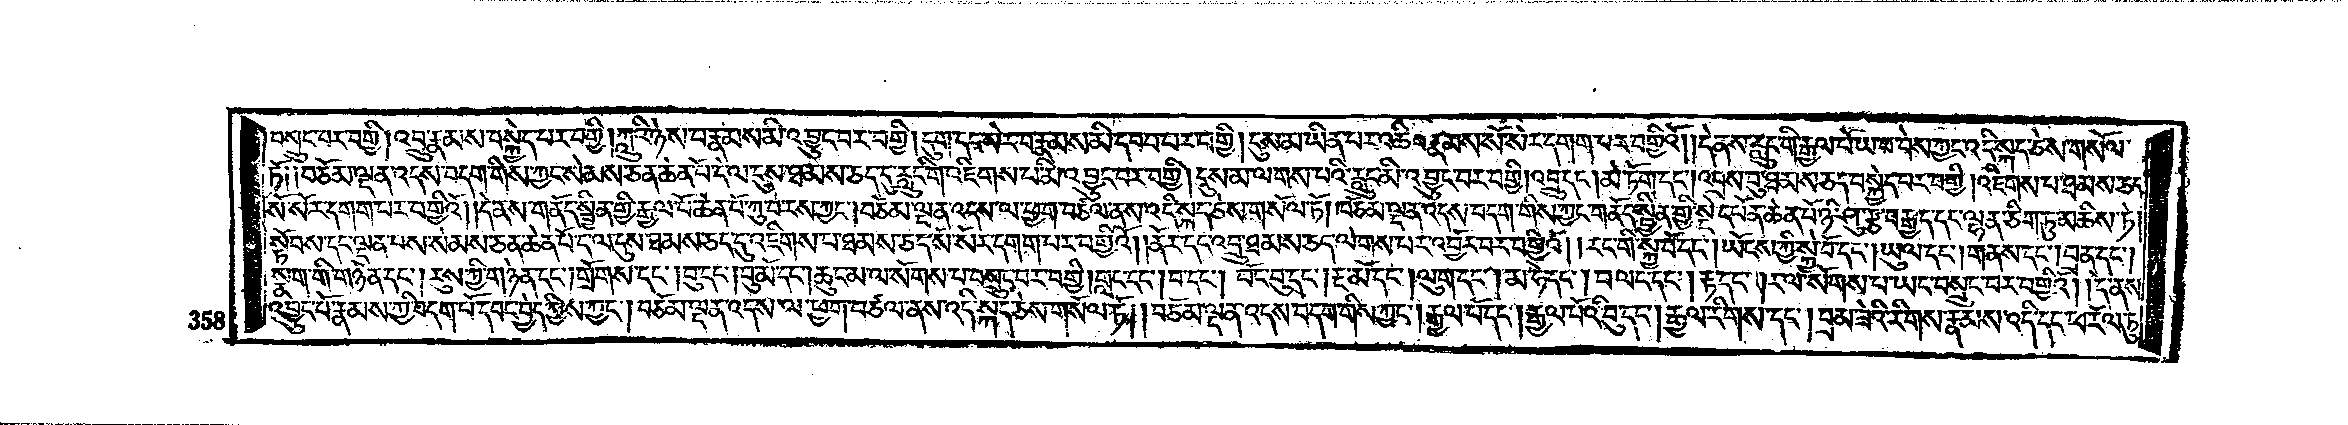བསྲུང་བར་བགྱི། འབྲུ་རྣམས་བསྐྱེད་པར་བགྱི། ཀླུའི་ཉེས་པ་རྣམས་མི་འབྱུང་བར་བགྱི། དུག་དང་སེར་བ་རྣམས་མི་དབབ་པར་བགྱི། དུས་མ་ཡིན་པར་འཆི་བ་རྣམས་སོ་སོར་དགག་པར་བགྱིའོ། །དེ་ནས་རླུང་ག་རྒྱལ་པོ་ཡེ་བ་བེས་ཀྱང་འདི་སྐད་ཅེས་གསོལ་
ཏོ། །བཅོམ་ལྡན་འདས་བདག་གིས་ཀྱང་སེམས་ཅན་ཆེན་པོ་དེ་ལ་དུས་ཐམས་ཅད་དུ་རླུང་གི་འཇིགས་པ་མི་འབྱུང་བར་བགྱི། དུས་མ་ལགས་པའི་རླུང་མི་འབྱུང་བར་བགྱི། འབྲུ་དང་། མེ་ཏོག་དང་། འབྲས་བུ་ཐམས་ཅད་བསྐྱེད་པར་བགྱི། འཇིགས་པ་ཐམས་ཅད་
སོ་སོར་དགག་པར་བགྱིའོ། །དེ་ནས་གནོད་སྦྱིན་གྱི་རྒྱལ་པོ་ཆེན་པོ་ཀུ་བེ་རས་ཀྱང་། བཅོམ་ལྡན་འདས་ལ་ཕྱག་བཙལ་ནས་འདི་སྐད་ཅེས་གསོལ་ཏོ། །བཅོམ་ལྡན་འདས་བདག་གིས་ཀྱང་གནོད་སྦྱིན་གྱི་སྡེ་དཔོན་ཆེན་པོ་ཉི་ཤུ་རྩ་བརྒྱད་དང་ལྷན་ཅིག་ཏུ་མཆིས་ཏེ།
སྟོབས་དང་ལྡན་པས་སེམས་ཅན་ཆེན་པོ་དེ་ལ་དུས་ཐམས་ཅད་དུ་འཇིགས་པ་ཐམས་ཅད་སོ་སོར་དགག་པར་བགྱིའོ། །ནོར་དང་འབྲུ་ཐམས་ཅད་ལེགས་པར་འབྱོར་བར་བགྱིའོ། །རང་གི་སྐྱེ་བོ་དང་། ཡོངས་ཀྱི་སྐྱེ་བོ་དང་། ཡུལ་དང་། གནས་དང་། བྦྲན་དང་།
སྣག་གི་གཉེན་དང་། རུས་ཀྱི་གཉེན་དང་། གྲོགས་དང་། བུ་དང་། བུ་མོ་དང་། ཆུང་མ་ལ་སོགས་པ་བསྲུང་བར་བགྱི། གླང་དང་། བ་དང་། བོང་བུ་དང་། རྔ་མོ་དང་། ལུག་དང་། མ་ཧེ་དང་། བ་ལང་དང་། རྟ་དང་། ར་ལ་སོགས་པ་ཡང་བསྲུང་བར་བགྱིའོ། །དེ་ནས་
འབྱུང་པོ་རྣམས་ཀྱི་བདག་པོ་དབང་བྱེད་ཀྱིས་ཀྱང་། བཅོམ་ལྡན་འདས་ལ་ཕྱག་བཙལ་ནས་འདི་སྐད་ཅེས་གསོལ་ཏོ། །བཅོམ་ལྡན་འདས་བདག་གིས་ཀྱང་། རྒྱལ་པོ་དང་། རྒྱལ་པོའི་བུ་དང་། རྒྱལ་རིགས་དང་། བྲམ་ཟེའི་རིགས་རྣམས་འདི་དང་ཕ་རོལ་ཏུ་